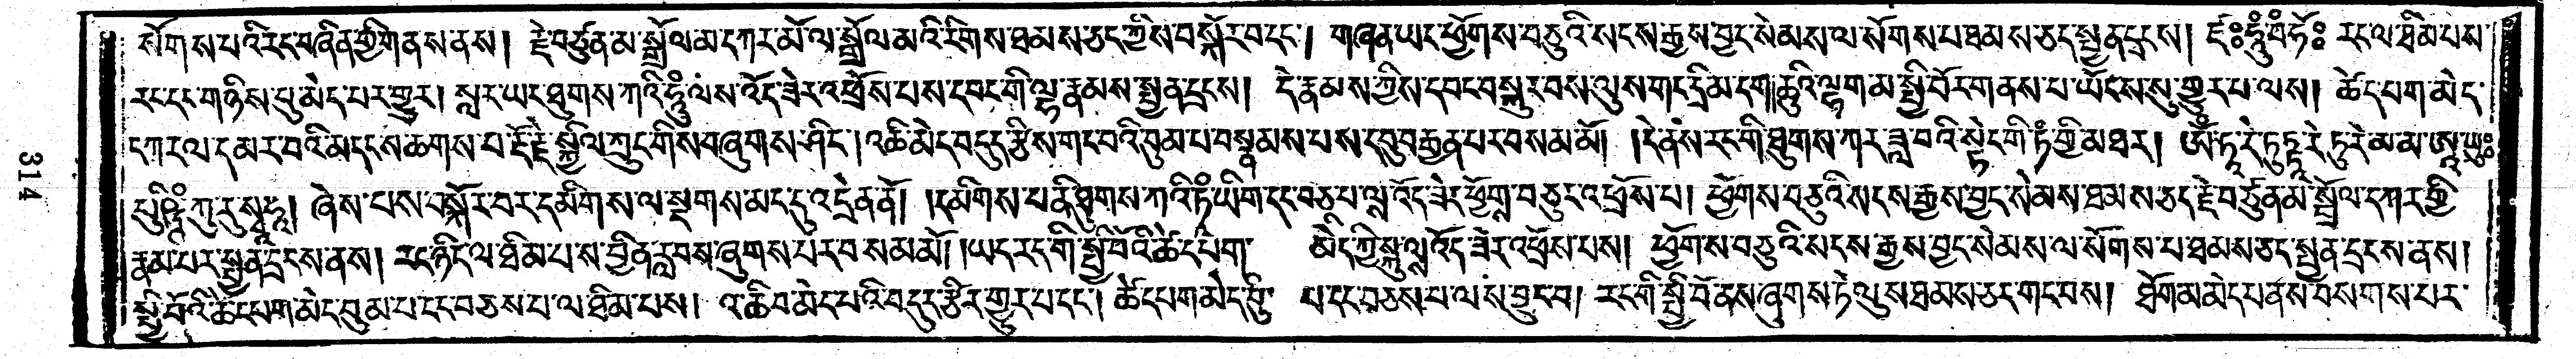སོགས་པའི་རང་བཞིན་གྱི་གནས་ནས། རྗེ་བཙུན་མ་སྒྲོལ་མ་དཀར་མོ་ལ་སྒྲོལ་མའི་རིགས་ཐམས་ཅད་ཀྱིས་བསྐོར་བ་དང་། གཞན་ཡང་ཕྱོགས་བཅུའི་སངས་རྒྱས་བྱང་སེམས་ལ་སོགས་པ་ཐམས་ཅད་སྤྱན་དྲངས། ཛཿ ཧཱུཾ་བཾ་ཧོཿ རང་ལ་ཐིམ་པས་
རང་དང་གཉིས་བུ་མེད་པར་གྱུར། སླར་ཡང་ཐུགས་ཀའི་ཧཱུཾ་ལས་འོད་ཟེར་འཕྲོས་པས་དབང་གི་ལྷ་རྣམས་སྤྱན་དྲངས། དེ་རྣམས་ཀྱིས་དབང་བསྐུར་བས་ལུས་གང་དྲི་མ་དག །ཆུའི་ལྷག་མ་སྤྱི་བོར་གནས་པ་ཡོངས་སུ་གྱུར་པ་ལས། ཚེ་དཔག་མེད་
དཀར་ལ་དམར་བའི་མདངས་ཆགས་པ་རྡོ་རྗེ་སྐྱིལ་ཀྲུང་གིས་བཞུགས་ཤིང་། འཆི་མེད་བདུད་རྩིས་གང་བའི་བུམ་པ་བསྣམས་པས་དབུ་བརྒྱན་པར་བསམ་མོ། །དེ་ནས་རང་གི་ཐུགས་ཀར་ཟླ་བའི་སྟེང་གི་ཏཾ་གྱི་མཐར། ཨོཾ་ཏཱ་རེ་ཏུཏྟཱ་རེ་ཏུ་རེ་མ་མ་ཨཱ་ཡུཿ
པུཥྚིཾ་ཀུ་རུ་སྭཱ་ཧཱ། ཞེས་པས་བསྐོར་བར་དམིགས་ལ་སྔགས་མང་དུ་འདྲེན་ནོ། །དམིགས་པ་ནི་ཐུགས་ཀའི་ཏཾ་ཡིག་དང་བཅ་པ་ལས་འོད་ཟེར་ཕྱོགས་བཅུར་འཕྲོས་པ། ཕྱོགས་བཅུའི་སངས་རྒྱས་བྱང་སེམས་ཐམས་ཅད་རྗེ་བཙུན་མ་སྦྲོལ་དཀར་གྱི་
རྣམ་པར་སྤྱན་དྲངས་ནས། རང་ཉིད་ལ་ཐིམ་པ་ས་བྱིན་རླབས་ཞུགས་པར་བསམ་མོ། །ཡང་རང་གི་སྤྱི་བོའི་ཚེ་དཔག་མེད་ཀྱི་སྐུ་ལས་འོད་ཟེར་འཕྲོས་པས། ཕྱོགས་བཅུའི་སངས་རྒྱས་བྱང་སེམས་ལ་སོགས་པ་ཐམས་ཅད་སྤྱན་དྲངས་ནས།
སྤྱི་བོའི་ཚེ་དཔག་མེད་བུམ་པ་དང་བཅས་པ་ལ་ཐིམ་པས། འཆི་བ་མེད་པའི་བདུར་རྩིར་གྱུར་པ་དང་། ཚེ་དཔག་མེད་བུ་པ་དང་བཅས་པ་ལས་བྱུང་བ། རང་གི་སྤྱི་བོ་ནས་ཞུགས་ཏེ་ལུས་ཐམས་ཅད་གང་བས། ཐོག་མ་མེད་པ་ནས་བསགས་པར་